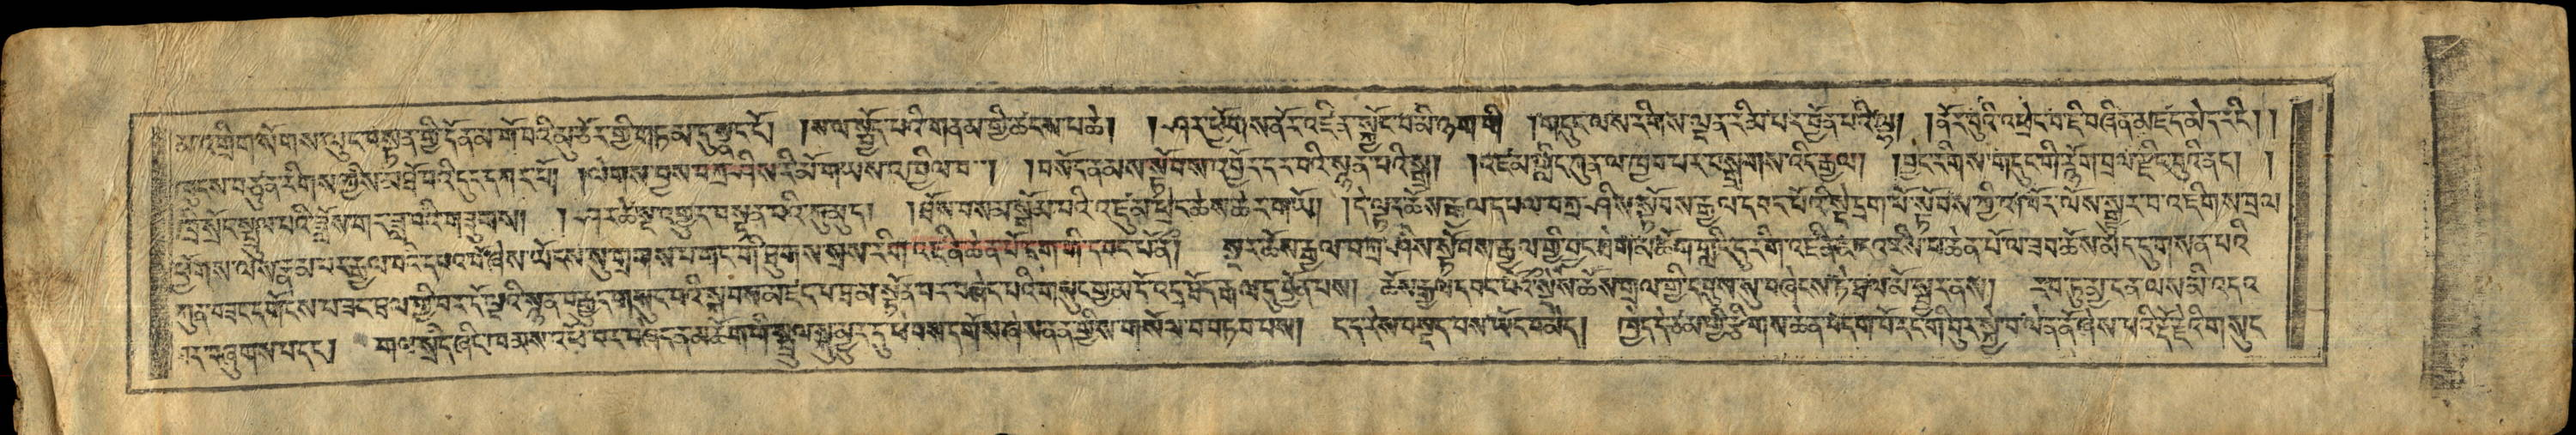མ་འགིག་སོགས་ལུང་བསྟན་གྱི་དོན་མགོ་བའི་མུ་ཅོར་གྱི་གཏམ་དུ་སྣང་ངོ། །ས་ལ་སྤྱོད་པའི་གནམ་གྱི་ཚངས་པ་ཆེ། །ཤར་ཕྱོགས་ནོར་འཛིན་སྐྱོང་བ་མི་ཉག་གི །གདུང་ལས་རིགས་ལྡན་རིམ་པར་བྱོན་པའི་ལྷ། །ནོར་བུའི་འཕྲེང་བ་ཇི་བཞིན་མཛད་མེད་རིང།།
ཁུངས་བཙུན་རིགས་ཀྱིས་མཐོ་བའི་དུང་དཀར་པོ། །ལེགས་བྱས་བཀྲ་ཤིས་རི་མོ་གཡས་འཁྱིལ་བ། །བསོད་ནམས་སྟོབས་འབྱོར་དང་བའི་སྙན་བའི་སྐྲ། །འཛམ་གླིང་ཀུན་ལ་ཁྱབ་པར་བསྒྲགས་འདི་རྒྱལ། །བྱང་རིགས་གདུང་གི་རྙོག་བྲལ་རྫིང་བུའི་ནང་། །
ཁྲི་སྲོང་སྤྲུལ་པའི་ཟློས་གར་ཟླ་པའི་གཟུགས། །ཤར་ཚེ་སྔ་འགྱུར་བསྟན་པའི་ཀུ་མུད། །ཐོས་བསམ་སྒོམ་པའི་འཛུམ་ཕྲེང་ཆེས་ཆེར་གཡོ། །དེ་ལྟར་ཆོས་རྒྱལ་དཔལ་བཀྲ་ཤིས་སྟོབས་རྒྱལ་དབང་པོའི་སྡེ་དྲག་པོ་སྟོབས་ཀྱི་འཁོར་ལོས་སྒྱུར་བ་འཇིགས་བྲལ་
ཕྱོགས་ལས་རྣམ་བར་རྒྱལ་བའི་དཔལ་བོ་ཞེས་ཡོངས་སུ་གྲགས་པ་གང་གི་ཐུགས་སྲས་རིག་འཛིན་ཆེན་པོ་དག་གི་དབང་པོ་ནྀ། སྔར་ཆོས་རྒྱལ་བཀྲ་ཤིས་སྟོབས་རྒྱལ་གྱི་བྱང་ཐེག་མཆོག་གླིང་དུ་རིག་འཛིན་མངའ་རིས་པ་ཆེན་པོ་ལ་ཟབ་ཆོས་མང་དུ་གསན་པའི་
ཀུན་བཟང་དགོངས་བཟང་ཐལ་གྱི་བར་ངོ་ལྔའི་སྙན་བརྒྱུད་གསུང་པའི་སྐབས་མཛད་པ་ཐ་མ་སྟོན་པར་བཞེད་པའི་གསུང་གྱ་མདོ་འདྲ་ཐོད་རྒལ་དུ་བྱོན་པས། ཆོས་རྒྱལ་དབང་པོའི་སྔས་ཆས་གྲལ་གྱི་དབུས་སུ་བཞེངས་ཏེ་ཐལ་མོ་སྦྱར་ནས། རབ་ཏུ་མྱ་ངན་ལས་མི་འདའ་
བར་བཞུགས་པ་དང་། གལ་སྲིད་ཞིང་ཁམས་འཕོ་བར་བཞེང་ན་མཆོག་གི་སྤྲུལ་སྐུ་མྱུར་དུ་ཕེབས་དགོས་ཞེས་ནན་གྱིས་གསོལ་བ་བཏབ་པས། དད་རས་བསྡད་པས་ཡོང་བ་མེད། ཁྱེད་དེ་ཙམ་གྱི་རྩིགས་ཆེན་བདག་པོ་རང་གི་བུར་སྐྱེ་བ་ལེན་ནོ་ཞེས་པའི་རྡོ་རྗེའི་གསུང་